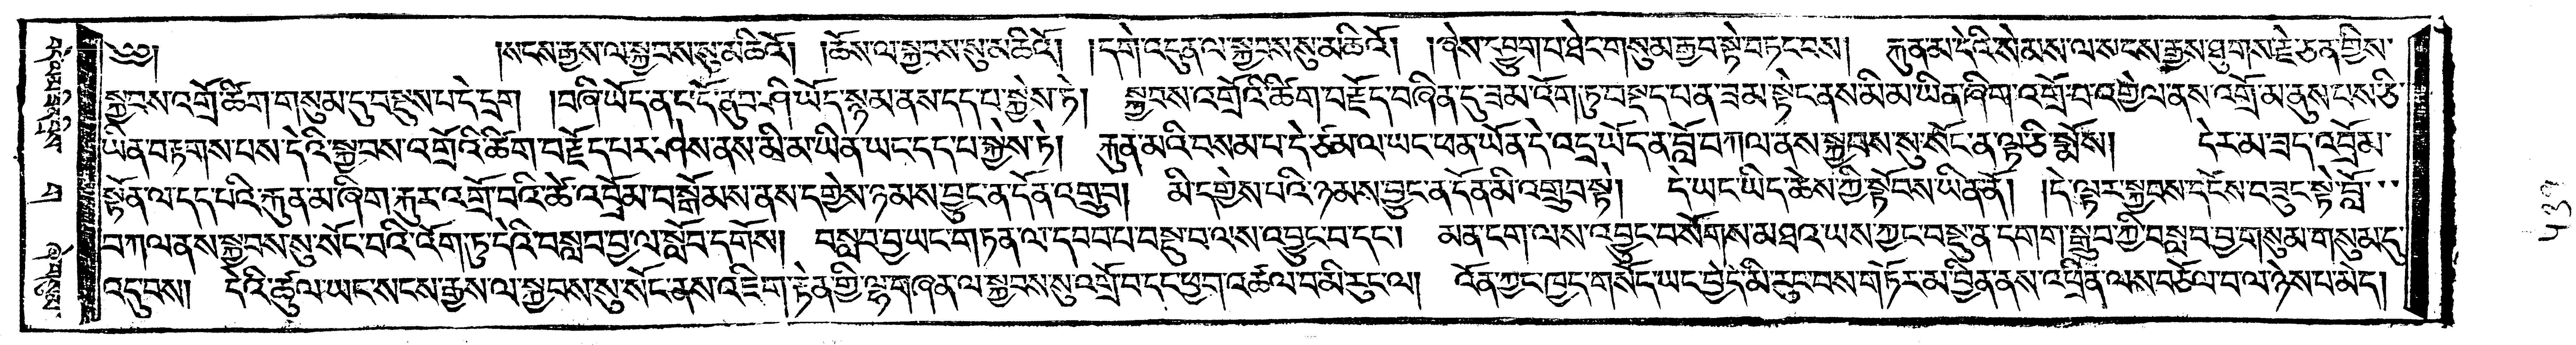༄༅། །སངས་རྒྱས་ལ་སྐྱབས་སུ་མཆིའོ། །ཆོས་ལ་སྐྱབས་སུ་མཆིའོ། །དགེ་འདུན་ལ་སྐྱབས་སུ་མཆིའོ། །ཞེས་དབྱུག་པ་ཐེག་གསུམ་རྒྱབ་སྟེ་བཏང་བས། རྐུན་མ་དེའི་སེམས་ལ་སངས་རྒྱས་ཐུགས་རྗེ་ཅན་གྱིས་
སྐྱབས་འགྲོ་ཚིག་གསུམ་དུ་བསྡུས་པ་དེ་དྲག །བཞི་ཡོད་ནང་དོ་ནུབ་ཤི་ཡོད་སྙམ་ནས་དད་པ་སྐྱེས་ཏེ། སྐྱབས་འགྲོའི་ཚིག་བརྗོད་བཞིན་དུ་ཟམ་འོག་ཏུ་བསྡད་པ་ན་ཟམ་སྟེང་ནས་མི་མ་ཡིན་ཞིག་འགྲོ་བ་འགྱེལ་ནས་འགྲོ་མ་ནུས་པས་ཅི་
ཡིན་བརྟགས་པས་དེའི་སྐྱབས་འགྲོའི་ཚིག་བརྗོད་པར་ཤེས་ནས་མི་མ་ཡིན་ཡང་དད་པ་སྐྱེས་ཏེ། རྐུན་མའི་བསམ་པ་དེ་ཙམ་ལ་ཡང་ཕན་ཡོན་དེ་འདྲ་ཡོད་ན་བློ་བཀལ་ནས་སྐྱབས་སུ་སོང་ན་ལྟ་ཅི་སྨོས། དེར་མ་ཟད་འབྲོམ་
སྟོན་ལ་དད་པའི་རྐུན་མ་ཞིག་རྐུར་འགྲོ་བའི་ཚེ་འབྲོམ་བསྒོམས་ནས་དགྱེས་ཉམས་བྱུང་ན་དོན་འགྲུབ། །མི་དགྱེས་པའི་ཉམས་བྱུང་ན་དོན་མི་འགྲུབ་སྟེ། དེ་ཡང་ཡིད་ཆེས་ཀྱི་སྟོབས་ཡིན་ནོ། །དེ་ལྟར་སྐྱབས་དངོས་བཟུང་སྟེ་བློ་
བཀལ་ནས་སྐྱབས་སུ་སོང་བའི་འོག་ཏུ་དེའི་བསླབ་བྱ་ལ་སློབ་དགོས། བསླབ་བྱ་ཡང་གཏན་ལ་དབབ་པ་བསྡུ་བ་ལས་འབྱུང་བ་དང་། མན་ངག་ལས་འབྱུང་བ་སོགས་མཐའ་ཡས་ཀྱང་བསྡུ་ན་དགག་སྒྲུབ་ཀྱི་བསླབ་བྱ་གསུམ་གསུམ་དུ་
འདུ་བས། དེའི་ཚུལ་ཡང་སངས་རྒྱས་ལ་སྐྱབས་སུ་སོང་ནས་འཇིག་རྟེན་གྱི་ལྷ་གཞན་ལ་སྐྱབས་སུ་འགྲོ་བ་དང་ཕྱག་འཚལ་བ་མི་རུང་ལ། འོན་ཀྱང་ཁྱད་གསོད་ཡང་བྱེད་མི་རུང་བས་གཏོར་མ་བྱིན་ནས་འཕྲིན་ལས་བཅོལ་བ་ལ་ཉེས་པ་མེད།